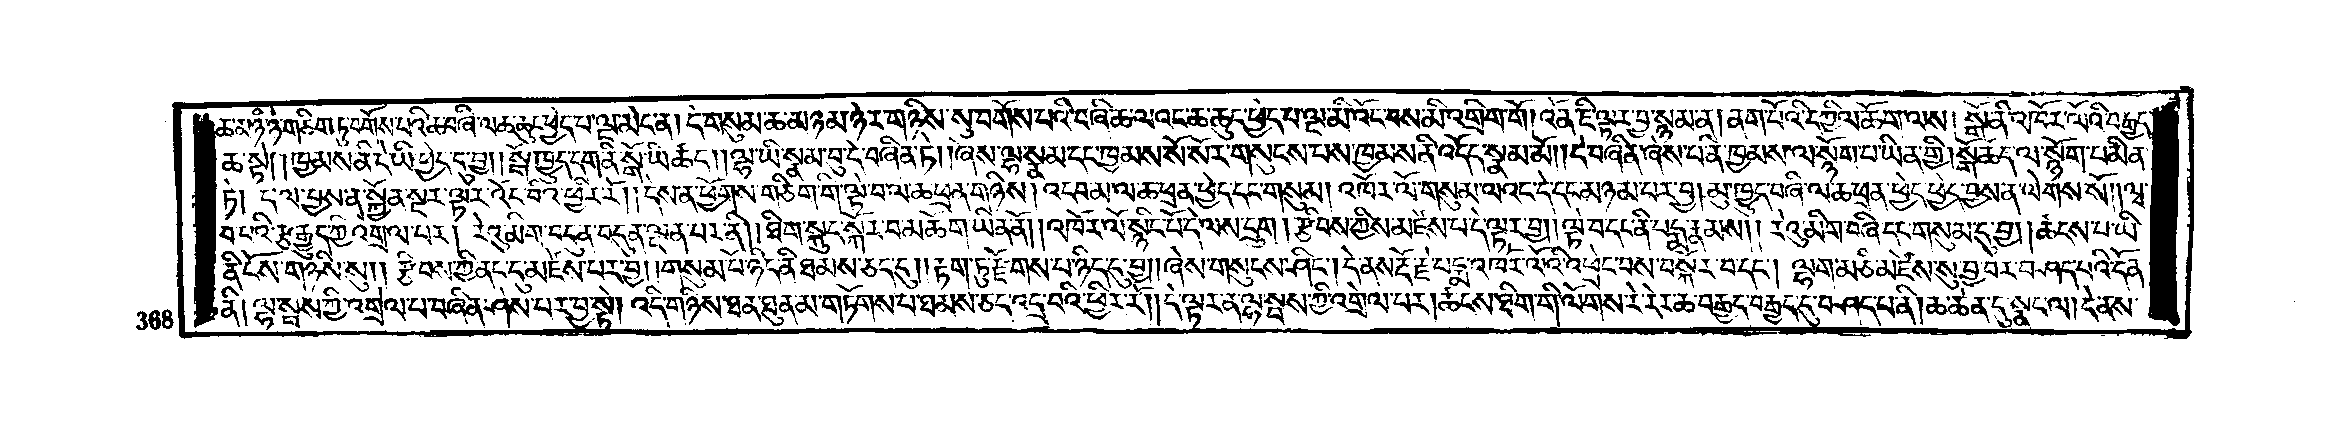ཆ་མཉམ་ཉེ་གཅིག་ཏུ་བགོས་པའི་ཆ་བཞི་ལ་ཆ་ཆུང་ཕྱེད་པ་ལྔ་མེད་ན། དེ་གསུམ་ཆ་མཉམ་ཉེར་གཉིས་སུ་བགོས་པའི་བཞི་ཆ་ལའང་ཆ་ཆུང་ཕྱེད་པ་ལྔ་མི་འོང་བས་མི་འགྲིག་གོ། འོ་ན་ཇི་ལྟར་བྱ་སྙམ་ན། ནག་པོའི་དཀྱིལ་ཆོག་ལས། སྒོ་ནི་འཁོར་ལོའི་བརྒྱད་
ཆ་སྟེ། །ཁྱམས་ནི་དེ་ཡི་ཕྱེད་དུ་བྱ། །སྒོ་ཁྱུད་དག་ནི་སྒོ་ཡི་ཚད། །ལྷ་ཡི་སྣམ་བུ་དེ་བཞིན་ཏེ། །ཞེས་ལྷ་སྣམ་དང་ཁྱམས་སོ་སོར་གསུངས་པས་ཁྱམས་ནི་འདོད་སྣམ་མོ། །དེ་བཞིན་ཞེས་པ་ནི་ཁྱམས་ལ་སྙོག་པ་ཡིན་གྱི། སྒོ་ཚད་ལ་སྙོག་པ་མིན་
ཏེ། དེ་ལ་བྱས་ན་སྐྱོན་སྔར་ལྟར་འོང་བའི་ཕྱིར་རོ། །དེས་ན་ཕྱོགས་གཅིག་གི་ལྟེ་བ་ལ་ཆ་ཕྲན་གཉིས། འདབ་མ་ལ་ཆ་ཕྲན་ཕྱེད་དང་གསུམ། འཁོར་ལོ་གསུམ་ལའང་དེ་དང་མཉམ་པར་བྱ། མུ་ཁྱུད་བཞི་ལ་ཆ་ཕྲན་ཕྱེད་ཕྱེད་བྱས་ན་ལེགས་སོ། །ལྭ་
བ་པའི་རྩ་རྒྱུད་ཀྱི་འགྲེལ་པར། རེའུ་མིག་བདུན་བདུན་ལྡན་པར་ནི། །ཐིག་སྐུད་སྐོར་བ་མཆོག་ཡིན་ནོ། །འཁོར་ལོ་སྙིང་པོ་དེ་ལས་དྲུག །རྩིབས་ཀྱིས་མཛེས་པ་དེ་ལྟར་བྱ། །ལྟེ་བ་དང་ནི་པདམ་རྣམས། །རེའུ་མིག་བཞི་དང་གསུམ་དུ་བྱ། །ཚངས་པ་ཡི་
ནི་ངོས་གཉིས་སུ། །རྩིབས་ཀྱི་ནང་དུ་མཛེས་པར་བྱ། །གསུམ་པོ་ཉིད་ནི་ཐམས་ཅད་དུ། །རྟག་ཏུ་རྫོགས་པ་ཉིད་དུ་བྱ། །ཞེས་གསུངས་ཤིང་། དེ་ནས་རྡོ་རྗེ་པདམ་འཁོར་ལོའི་འཕྲེང་བས་བསྐོར་བ་དང་། ལྷག་མ་ཅི་མཛེས་སུ་བྱ་བར་བཤད་པའི་དོན་
ནི། ལྷ་སྦས་ཀྱི་འགྲེལ་པ་བཞིན་ཤེས་པར་བྱ་སྟེ། འདི་གཉིས་ཐན་ཐུན་མ་གཏོགས་པ་ཐམས་ཅད་འདྲ་བའི་ཕྱིར་རོ། །དེ་ལྟར་ན་ལྷ་སྦས་ཀྱི་འགྲེལ་པར། ཚངས་ཐིག་གི་ལོགས་རེ་རེར་ཆ་བརྒྱད་བརྒྱད་དུ་བཤད་པ་ནི། ཆ་ཆེན་དུ་སྣང་ལ། དེ་ནས་